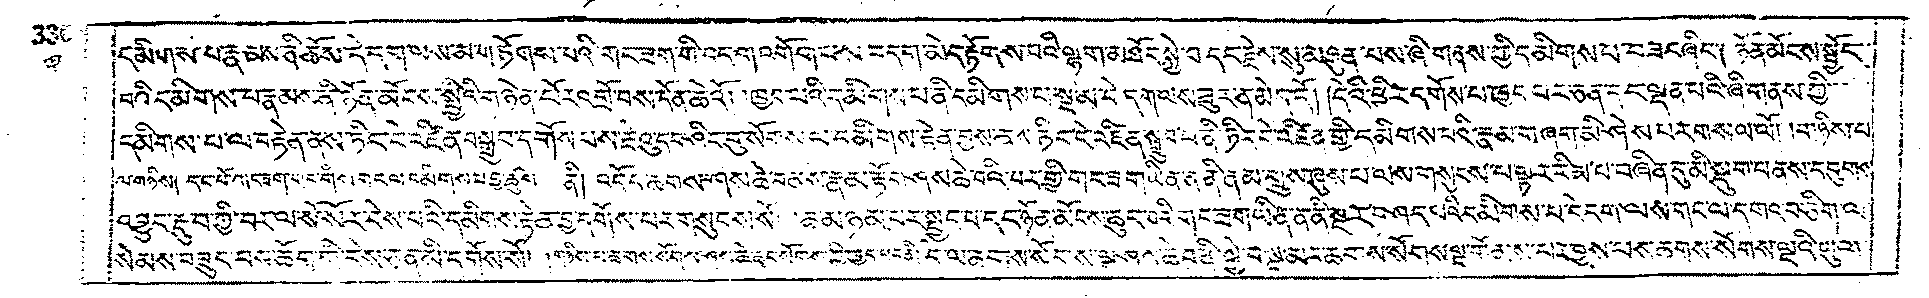དམིགས་པ་རྣམས་ནི་ཆོས་དེ་དག་ལས་མ་གཏོགས་པའི་གང་ཟག་གི་བདག་འགོག་པས་བདག་མེད་རྟོགས་པའི་ལྷག་མཐོང་སྐྱེ་བ་དང་རྗེས་སུ་མཐུན་པས་ཞི་གནས་ཀྱི་དམིགས་པ་བཟང་ཞིང་། ཉོན་མོངས་སྦྱོང་
བའི་དམིགས་པ་རྣམས་ནི་ཉོན་མོངས་སྤྱིའི་གཉེན་པོར་འགྲོ་བས་དོན་ཆེའོ། །ཁྱབ་པའི་དམིགས་པ་ནི་དམིགས་པ་སྔ་མ་དེ་དག་ལས་ཟུར་ན་མེད་དོ། །དེའི་ཕྱིར་དགོས་པ་ཁྱད་པར་ཅན་དང་ལྡན་པའི་ཞི་གནས་ཀྱི་
དམིགས་པ་ལ་བརྟེན་ནས་ཏིང་ངེ་འཛིན་བསྒྲུབ་དགོས་པས་རྡེའུ་དང་ཤིང་བུ་སོགས་ལ་དམིགས་རྟེན་བྱས་ནས་ཏིང་ངེ་འཛིན་སྒྲུབ་པ་ནི་ཏིང་ངེ་འཛིན་གྱི་དམིགས་པའི་རྣམ་གཞག་མི་ཤེས་པར་རགས་ལ་ལོ། །གཉིས་པ་
ལ་གཉིས། དང་པོ་གང་ཟག་གང་གིས་ལ་དམིགས་པ་བྱ་ཚུལ། ནི། འདོད་ཆགས་ཤས་ཆེ་བ་ནས་རྣམ་རྟོག་ཤས་ཆེ་བའི་པར་གྱི་གང་ཟག་ཡིན་ན་ནི་ནམ་གྲུས་ཞུས་པ་ལས་གསུངས་པ་ལྟར་རིམ་པ་བཞིན་དུ་མི་སྡུག་པ་ནས་དབུགས་
འབྱུང་རྡུབ་ཀྱི་བར་ལ་སོ་སོར་ངེས་པའི་དམིགས་རྟེན་བྱ་དགོས་པར་གསུངས་སོ། །ཆ་མཉམ་པར་སྤྱད་པ་དང་ཉོན་མོངས་ཆུང་བའི་གང་ཟག་ཡིན་ན་ནི་སྔར་བཤད་པའི་དམིགས་པ་དེ་དག་ལས་གང་ལ་དགའ་བ་ཅིག་ལ་
སེམས་བཟུང་བས་ཆོག་གི་ངེས་ཅན་མི་དགོས་སོ། །གཉིས་པ་ཆགས་སོགས་ཤས་ཆེ་ཆང་སོགས་ཀྱི་ཁྱད་པར་ནི། དེ་ལ་ཆགས་སོགས་ལྔ་ཤས་ཆེ་བ་ནི་སྐྱེ་བ་ལྔ་མར་ཆགས་སོགས་ལྔ་གོམས་པར་བྱས་པས་ཆགས་སོགས་ལྔའི་ཡུལ་